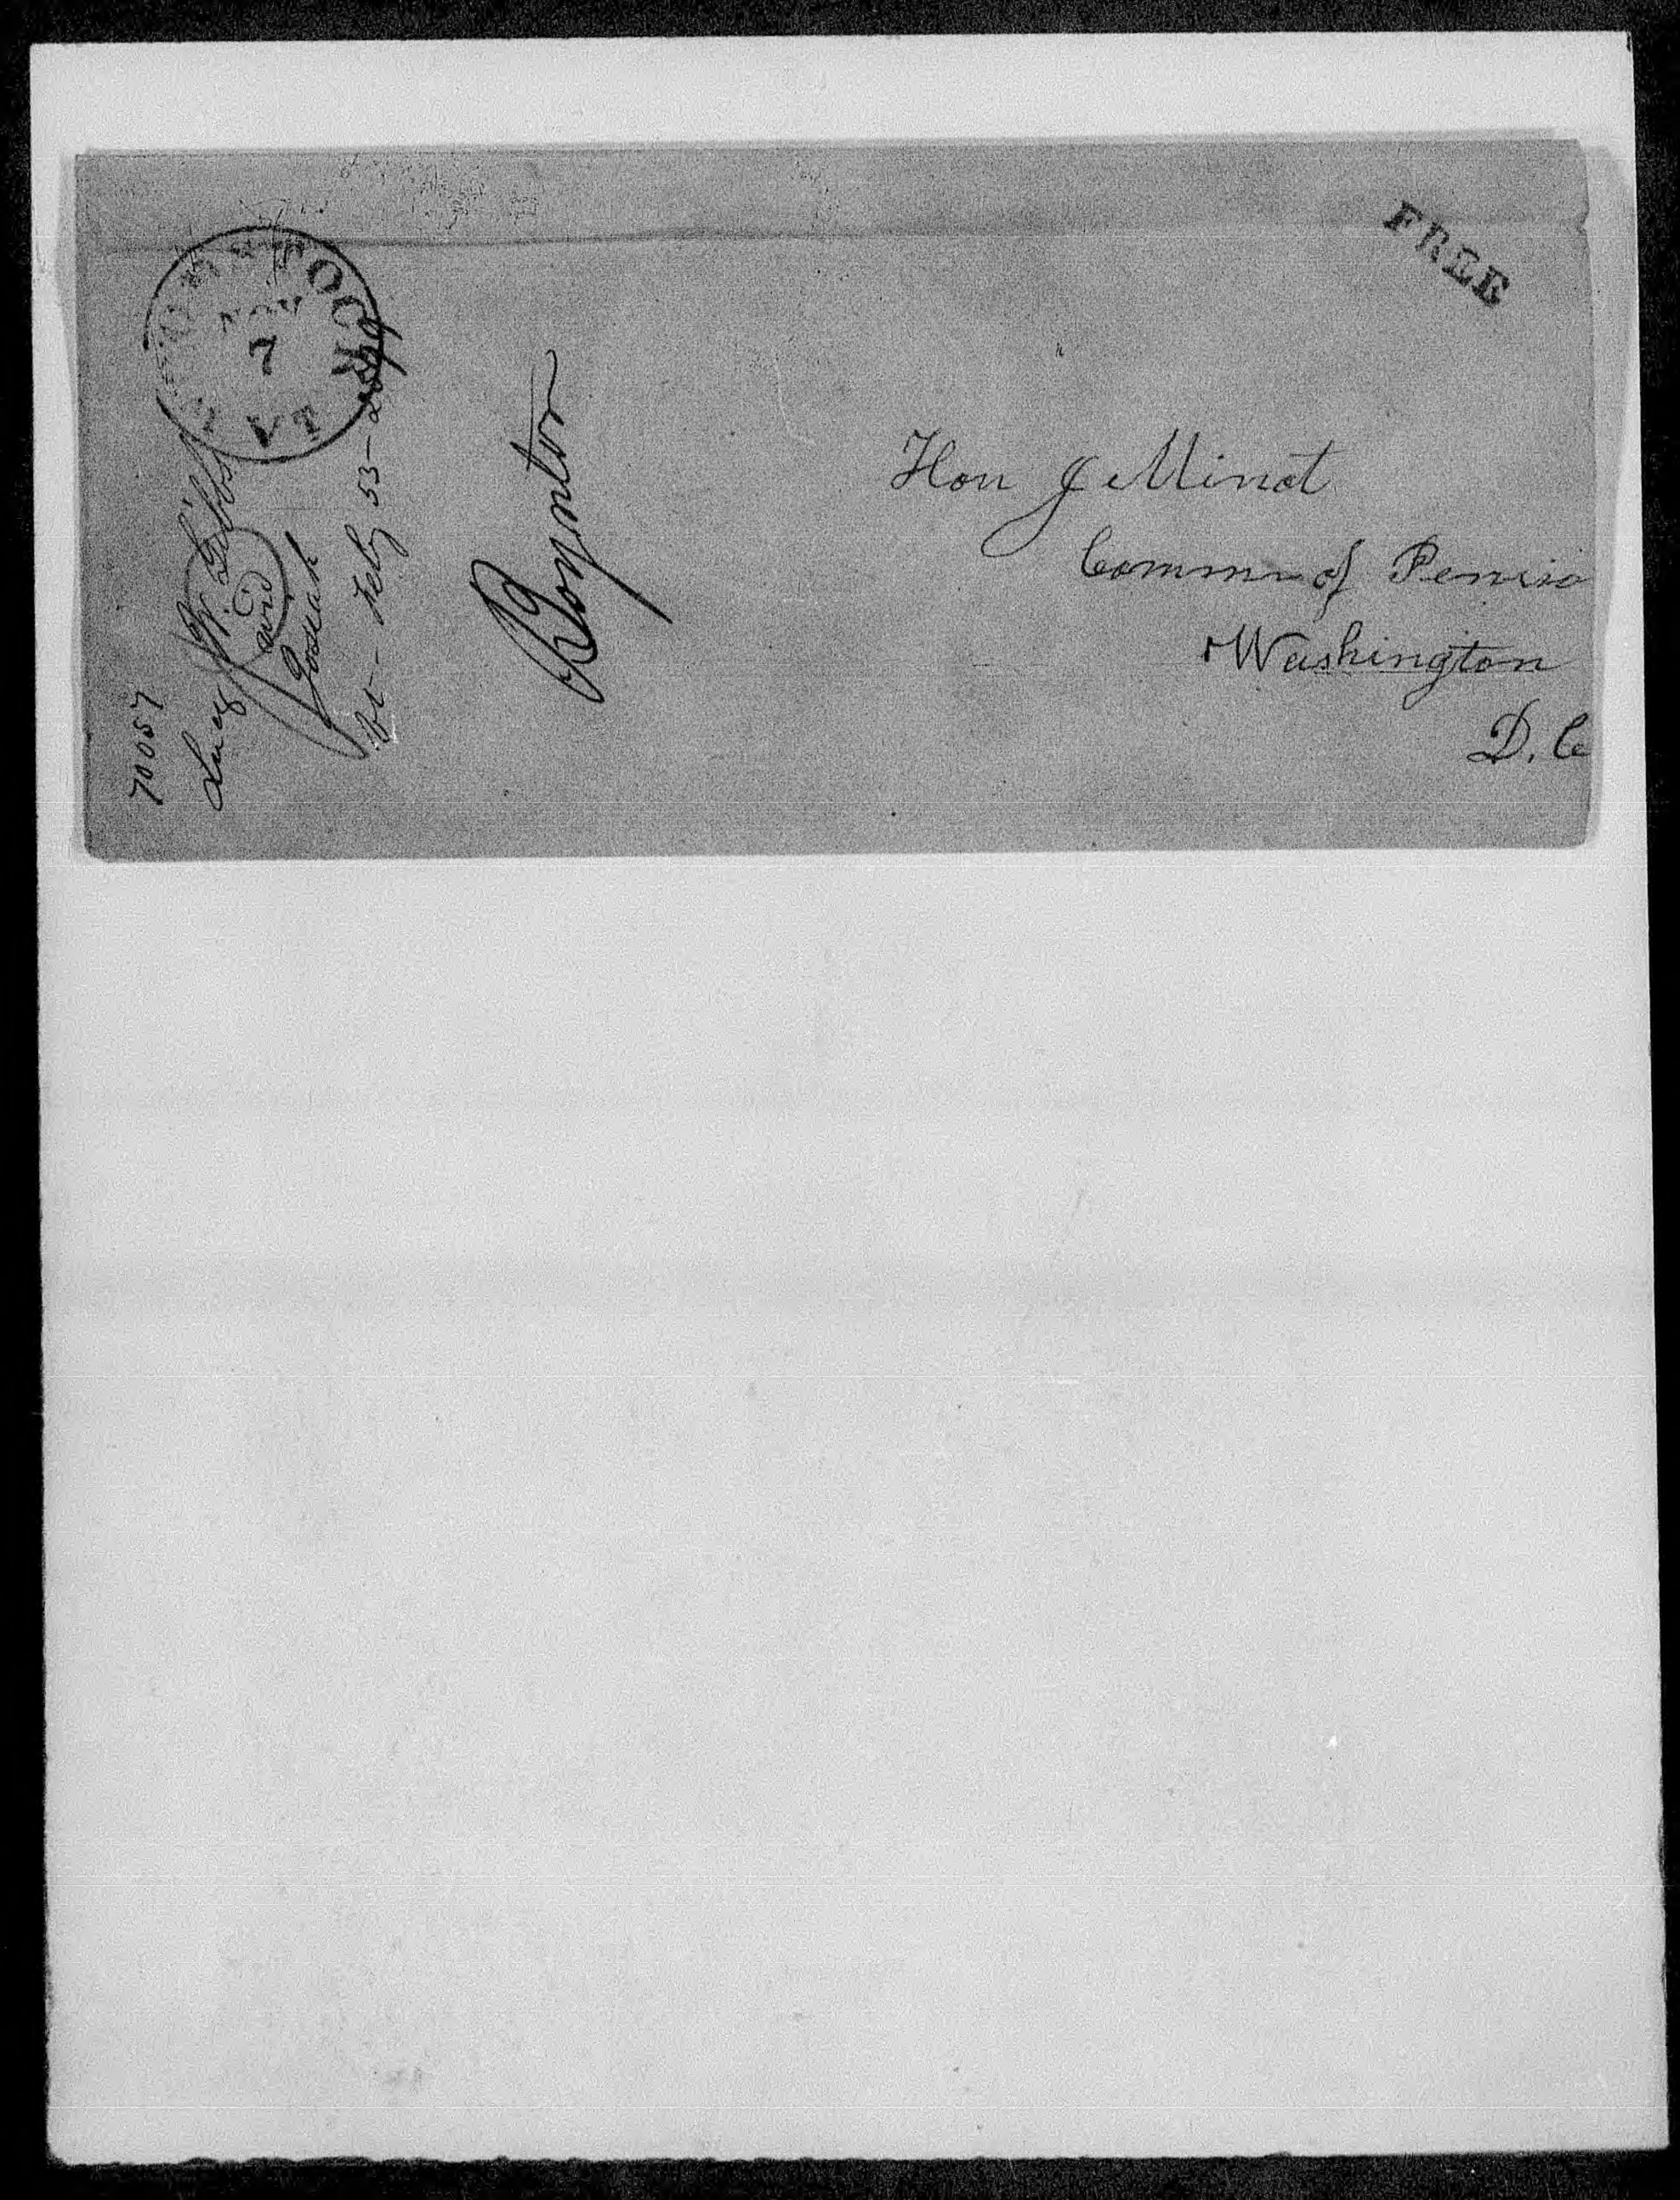70057
Lucy W Gibbs
     wid.
   Josiah
Vt    Feb'y 53 - 25

Boynto
Hon J Minot
Comm of Pensions
Washington
D.C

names: Boynton, J Minot, Lucy W Gibbs, Josiah Gibbs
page: 22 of 33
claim: widow's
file: W. 4681, Josiah Gibbs, Mass